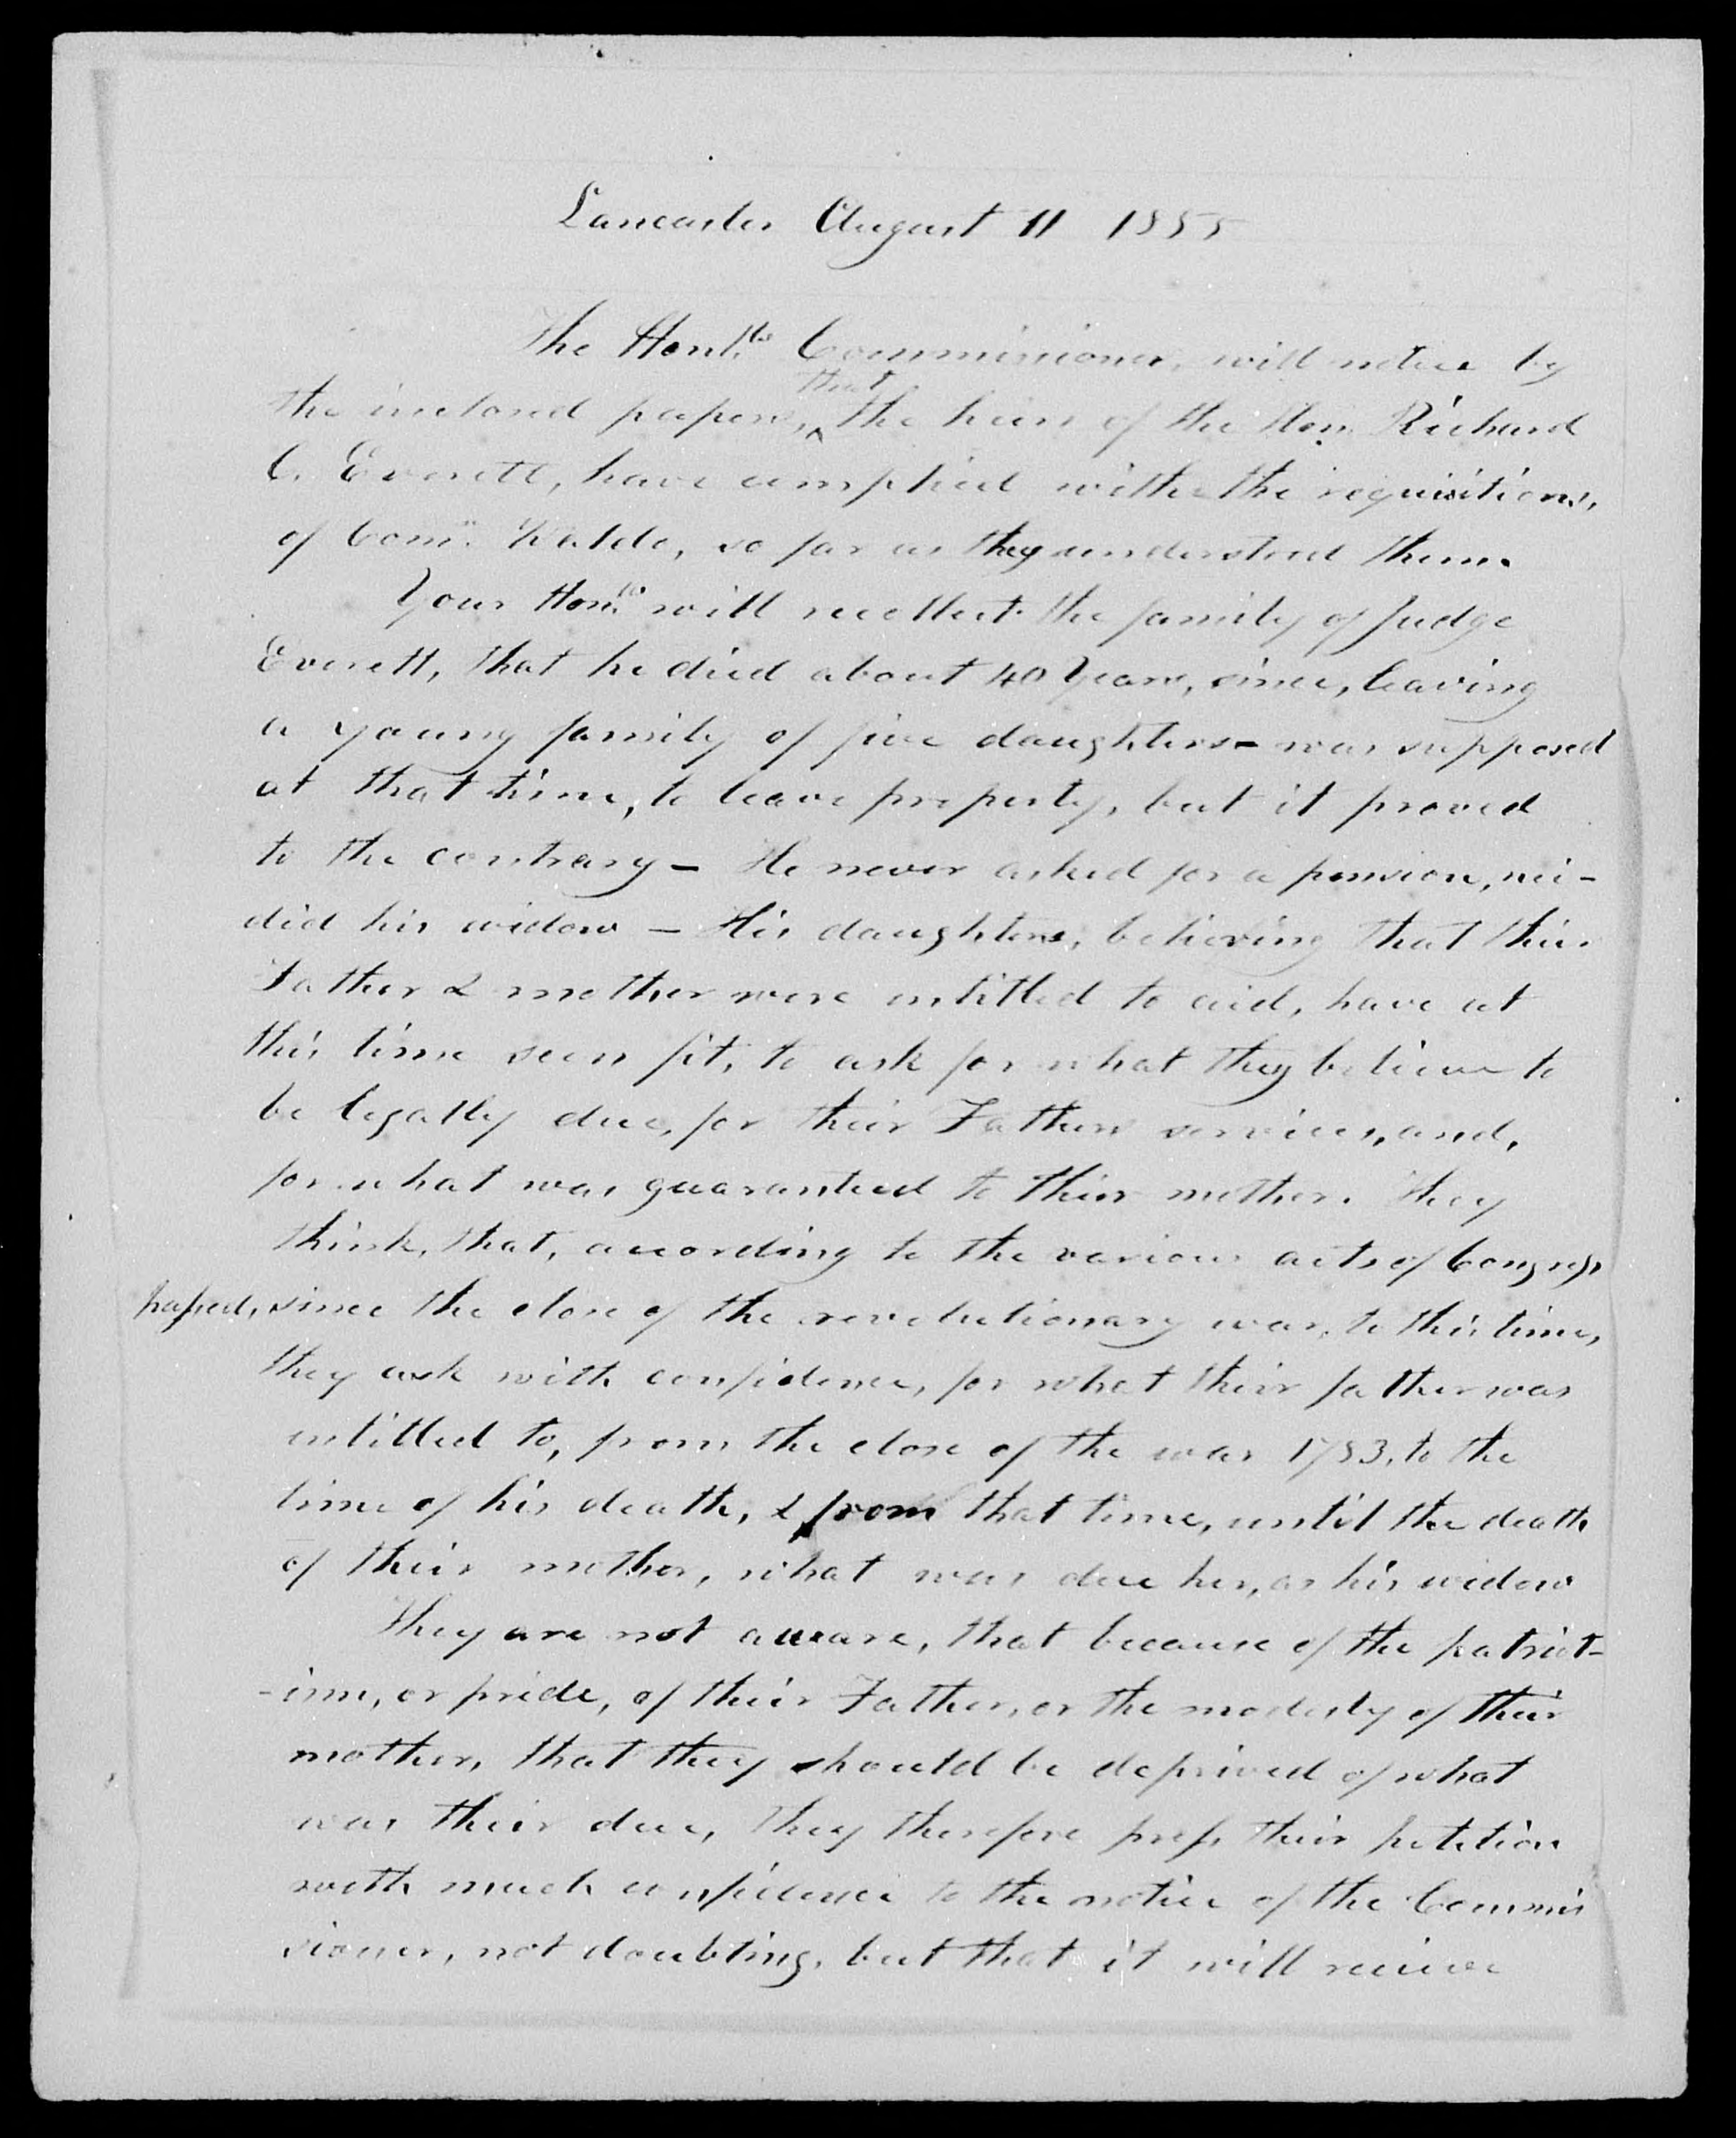Lancaster August 11 1855
The Honble. Commissioner will notice by the inclosed paper that the heirs of the Hon Richard C. Everett, have complied with the requisitions of Comm. Waldo, so far as they understood them.
Your Hon. will recollect the family of Judge Everett, that he died about 40 years, since, leaving a young family of five daughters_ was supposed at that time, to leave property, but it proved to the contrary_ He never asked for a pension neither did his widow_ His daughters, believing that their Father & mother were entitled to aid, have at this time seen fit, to ask for what they believe to be legally due for their Fathers services, and, for what was guaranteed to their mother. They think that, according to the various acts of Congress passed, since the close of the revolutionary war, to this time, they ask with confidence for what their father was entitled to, from the close of the war 1783, to the time of his death, & from that time, until the death of their mother, what was due her as his widow
They are not aware, that because of the patriotism, or pride, of their Father, or the modesty of their mother, that they should be deprived of what was their due, they therefore press this petition with much confidence to the notice of the Commissioner, not doubting, but that it will receive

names: Waldo, Everett, Richard C Everett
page: 29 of 59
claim: widow's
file: W. 23017, Richard Clair Everett, Mass.